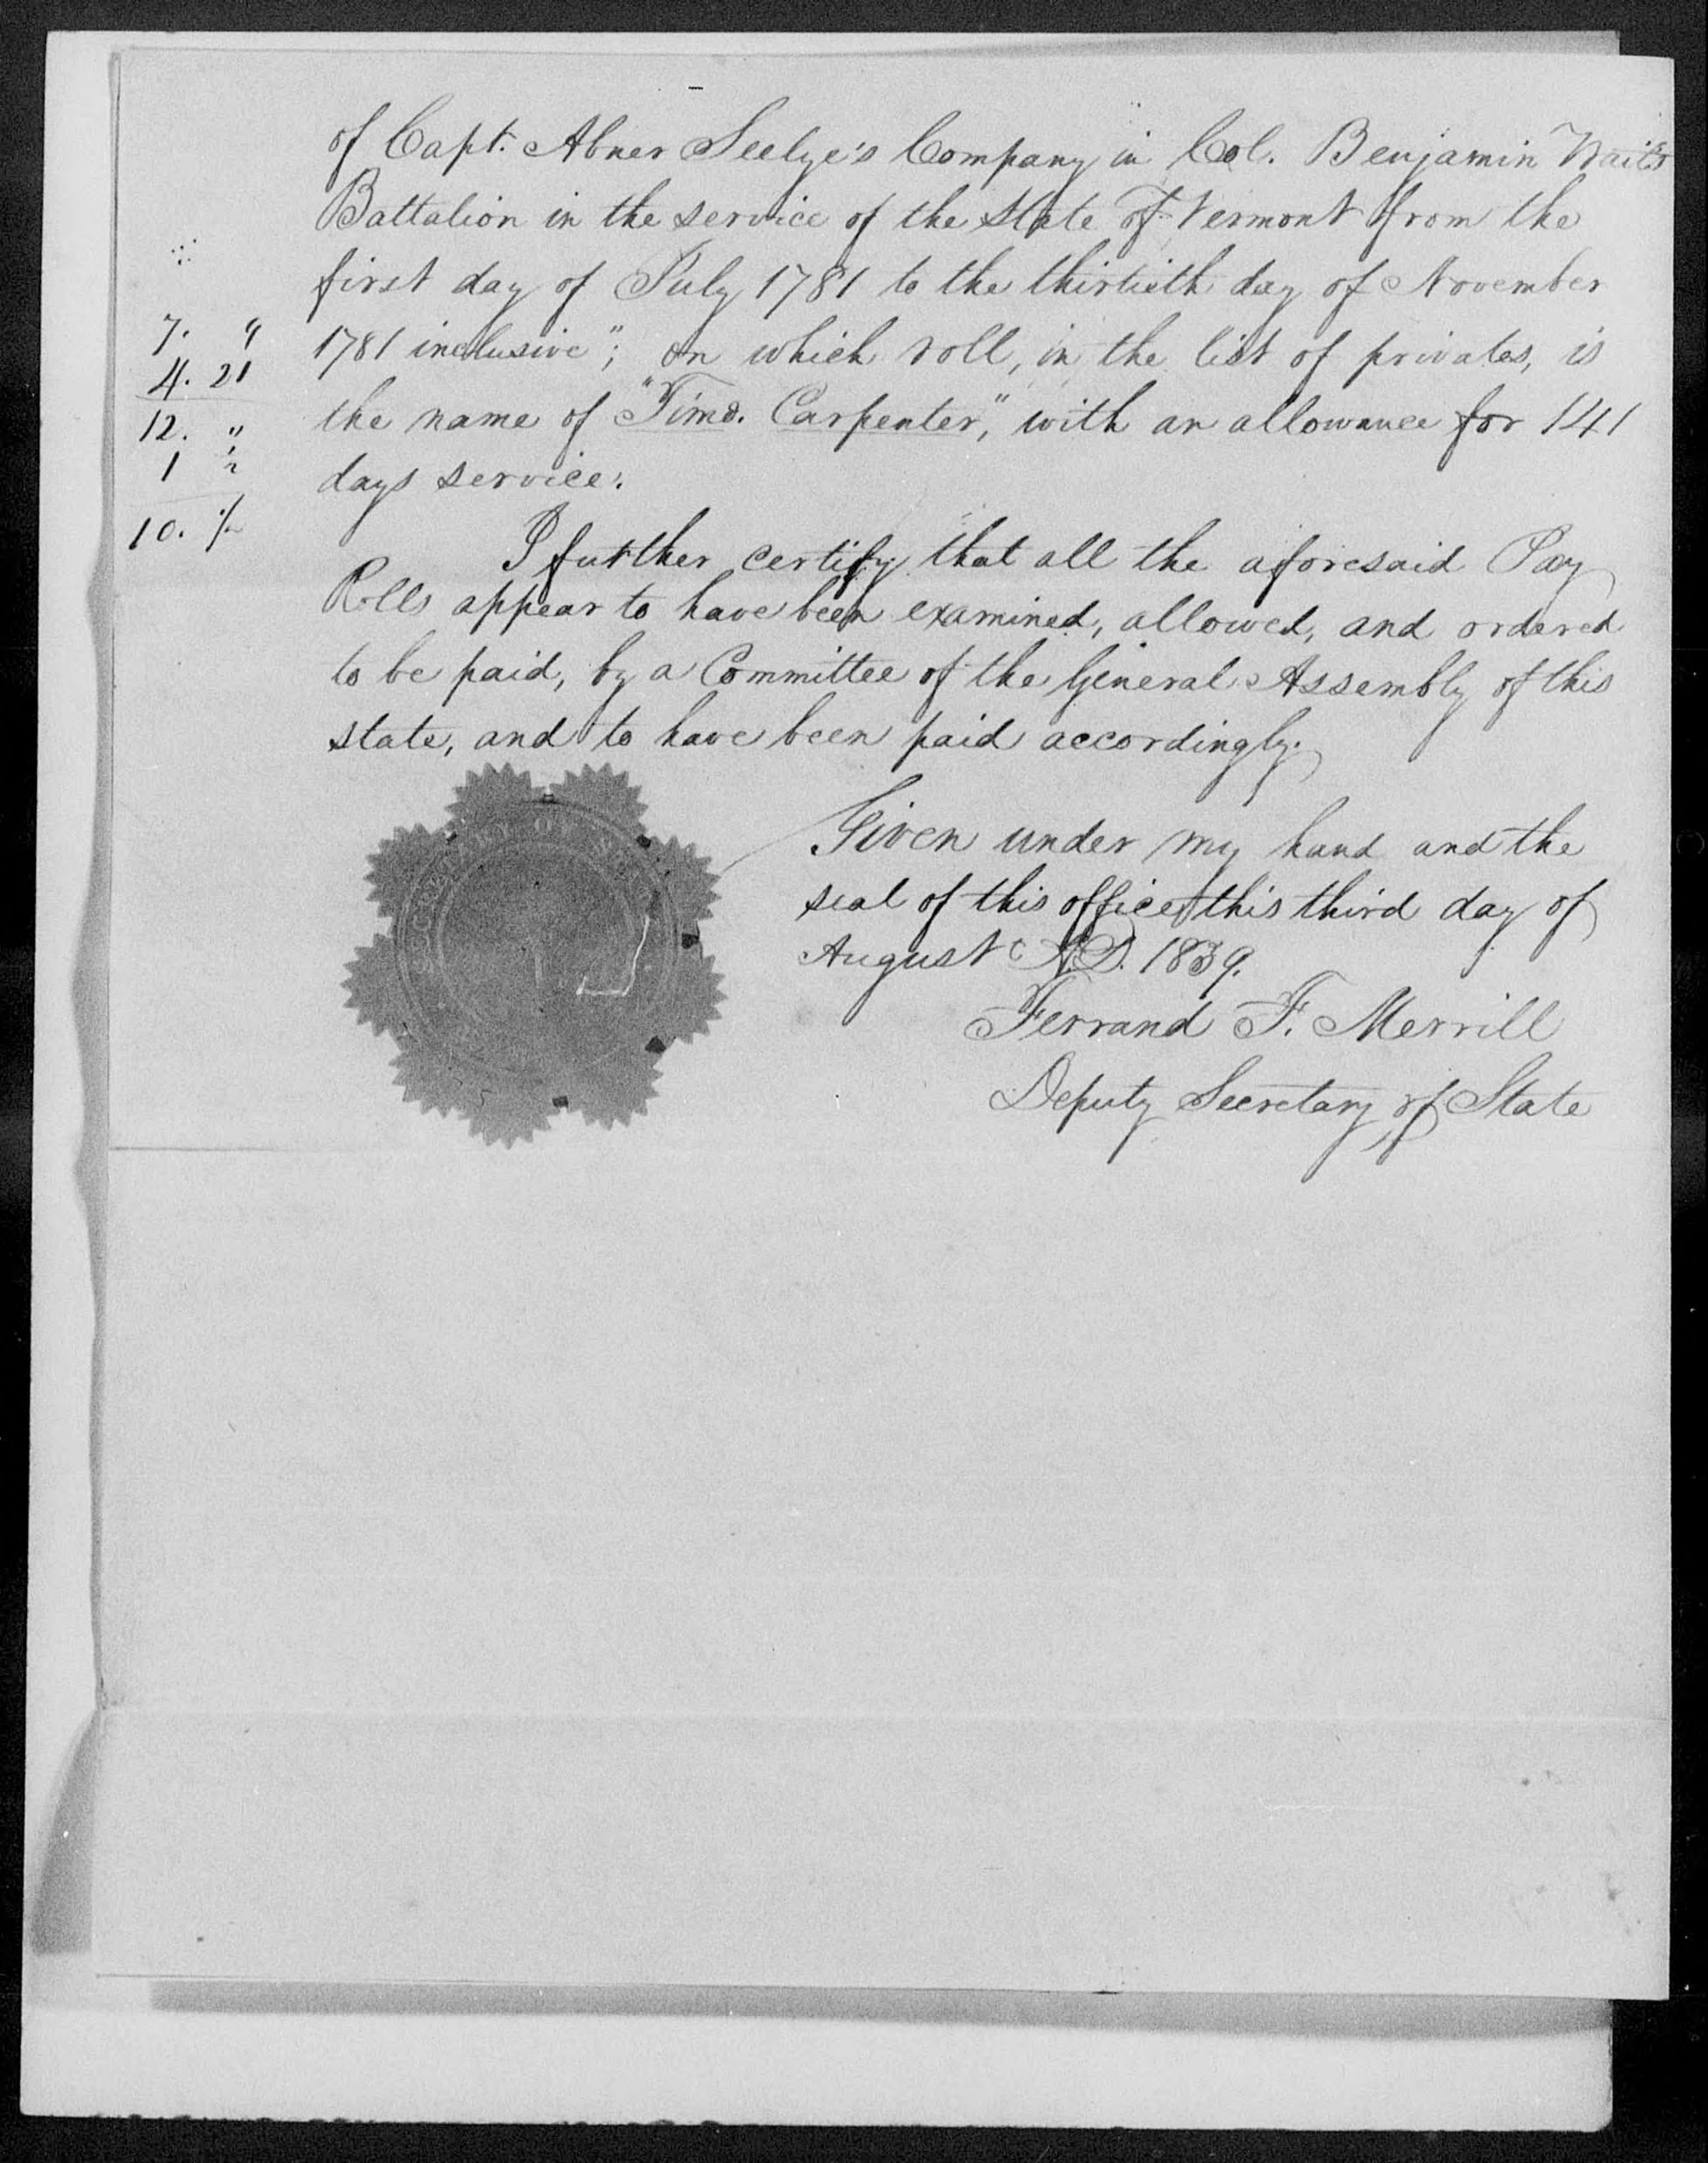of Capt. Abner Seelye's Company in Col. Benjamin Waits Battalion in the service of the State of Vermont from the first day of July 1781 to the thirtieth day of November 1781 inclusive;" on which roll, in the list of privates, is the name of "Timo. Carpenter," with an allowance for 141 days service.
[margin note: 7. 9 4. 21/12. " 1 1/2 /10. 1/2]
I further certify that all the aforesaid Pay Rolls appear to have been examined, allowed, and ordered to be paid, by a Committee of the General Assembly of this State, and to have been paid accordingly. 
[official seal affixed] Given under my hand and the seal of this office this third day of August AD. 1839.
/s/Ferrand F. Merrill
Deputy Secretary of State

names: Timo Carpenter, Ferrand F Merrill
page: 35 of 41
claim: widow's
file: W. 15627, Timothy Carpenter, Vt.